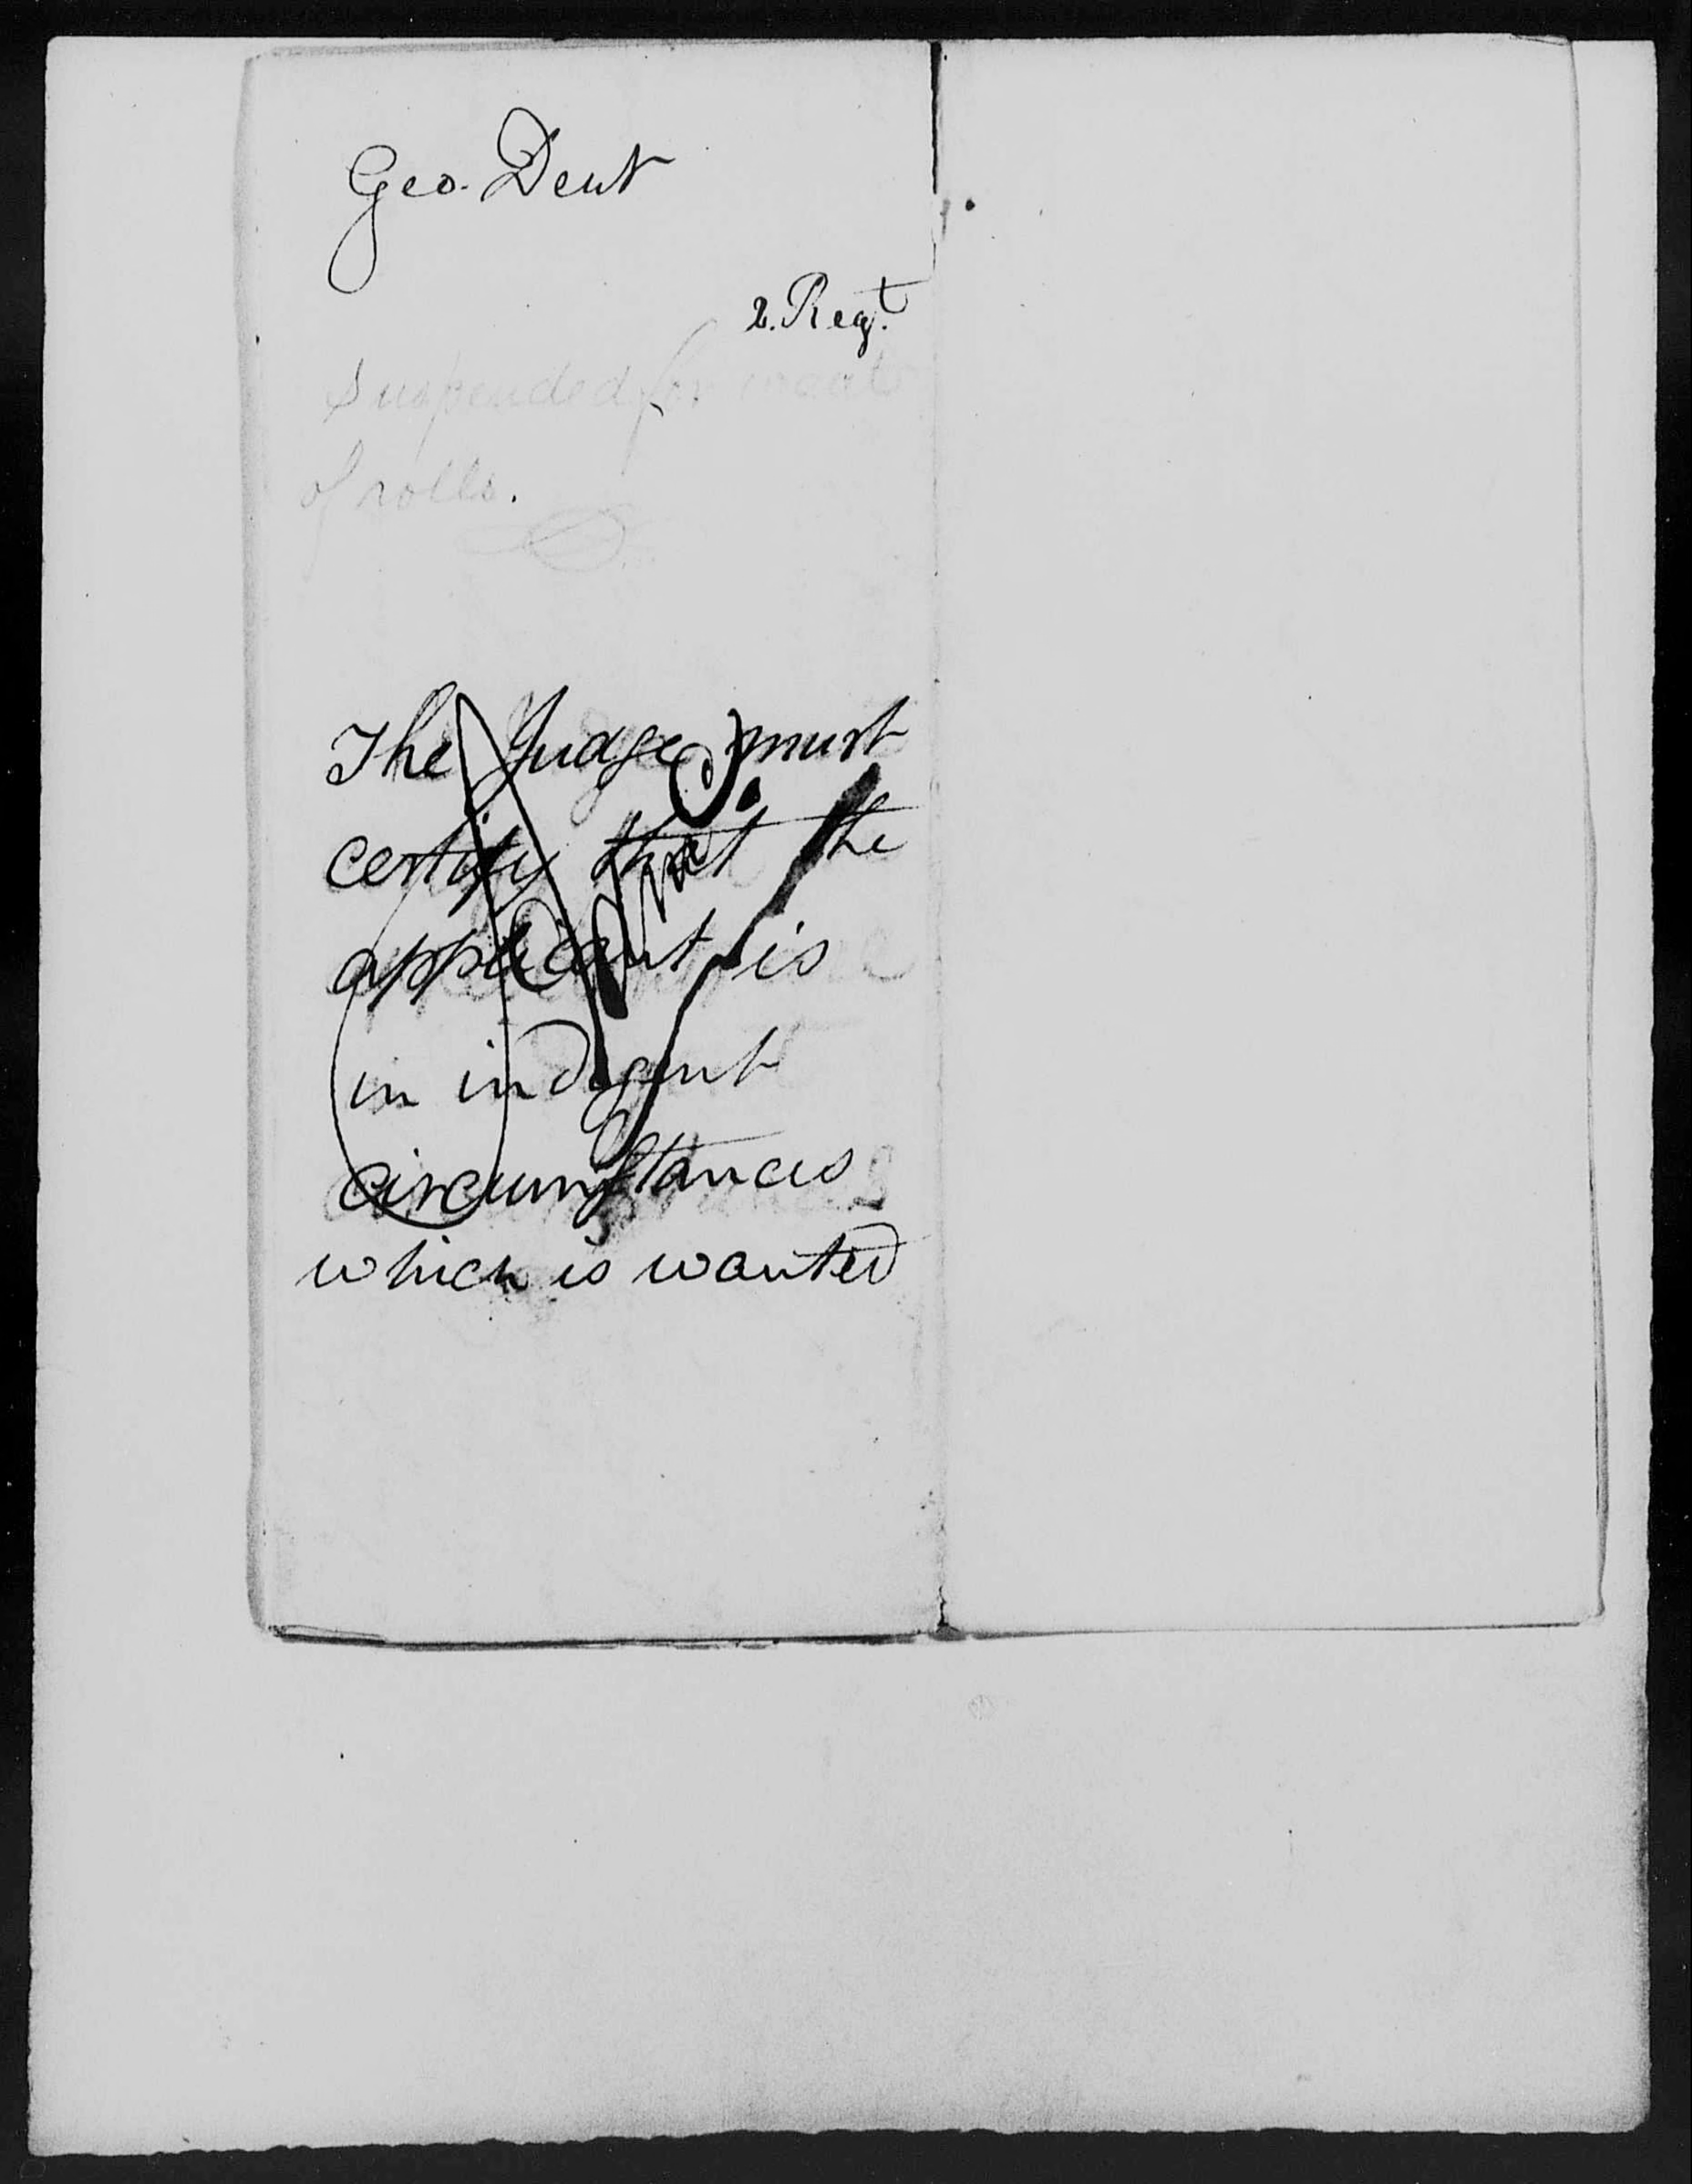Geo. Dent
Suspended and for want of rolls

2 Regt.

The Judge must certify that the applicant is in indigent circumstances which is wanted

ADMT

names: Geo Dent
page: 46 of 49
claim: survivor's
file: S. 12755, George Dent, Md.